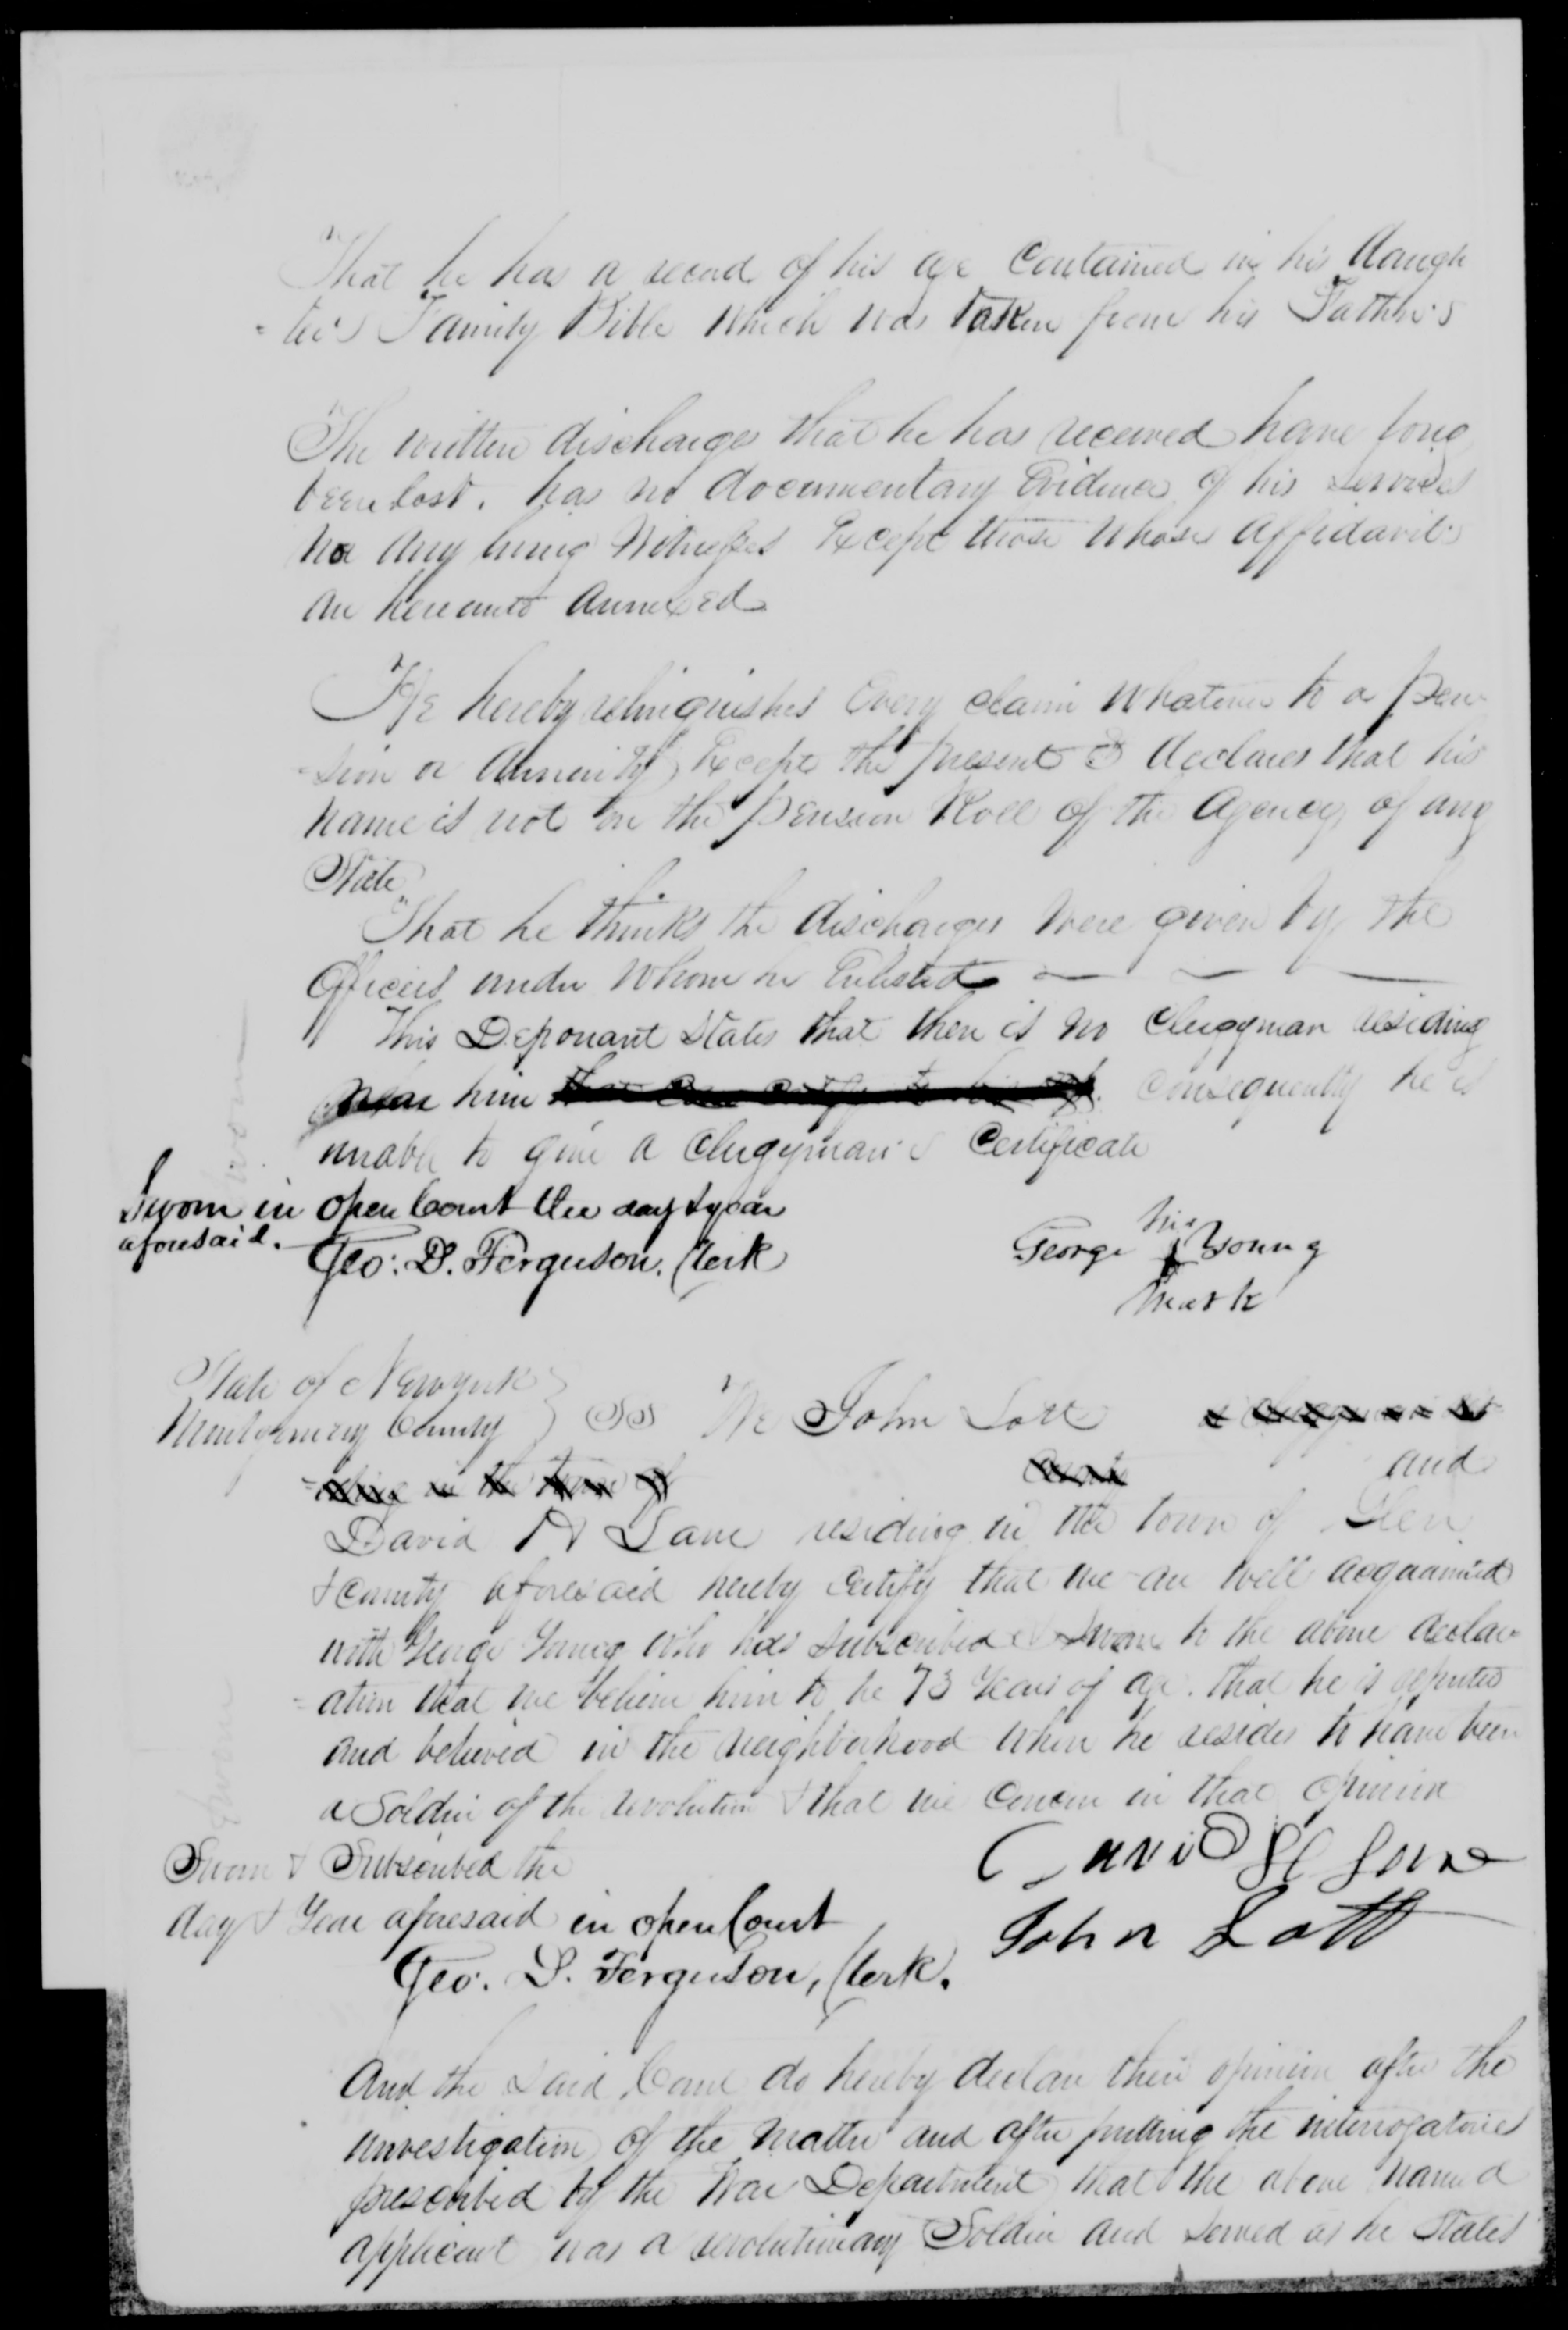Sworn in
aforesaid
that he has a record of his we contained in his laugh
the Family Bible which had taken from his Father's
The written discharge that he has received have four
been lost, has no documentary evidence of his services
for my living witnesses except those whose affidavit
an hereunto annexed
of
The hereby relinquishes every claim whatever to a pension
or annuity except the present declares that his
name is not on the pension Roll of the Agency of any
Nice
That he thinks the discharges were given on the
pecies under whom on Enlisted
-
-
This Deponant states that there is no Clergyman residing
er him
consequently he
unaber to give a Clergyman's Certificate
open Court the day & year
Geo: D. Ferguson, Clerk
George Young
Mark
State of
Minton
Sworn &
day
New York
County ⎬ SS I John Lot
A
and
Dane residing in the town of Lee
& County aforesaid hereby certify that we are well acquainted with
George Young who has subscribed sworn to the above declare
ation that we believe him to be 73 years of age. that he is reputed
and believed in the neighborhood when he resides to have been
Soldier of the revolution & that we concur in that men
Subscribed the
aforesaid in open Court
at
Geo. S. Ferguson, Clerk.
and the said Come do hereby declare their opinion after the
investigation of the matter and after putting the interrogatories
prescribed to the War Department that the above named
applicant was a revolutionary Soldier and said State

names: John Sott, Geo D Ferguson, David H Lane, George Young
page: 4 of 67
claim: widow's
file: W. 7379, George Young, New Jersey